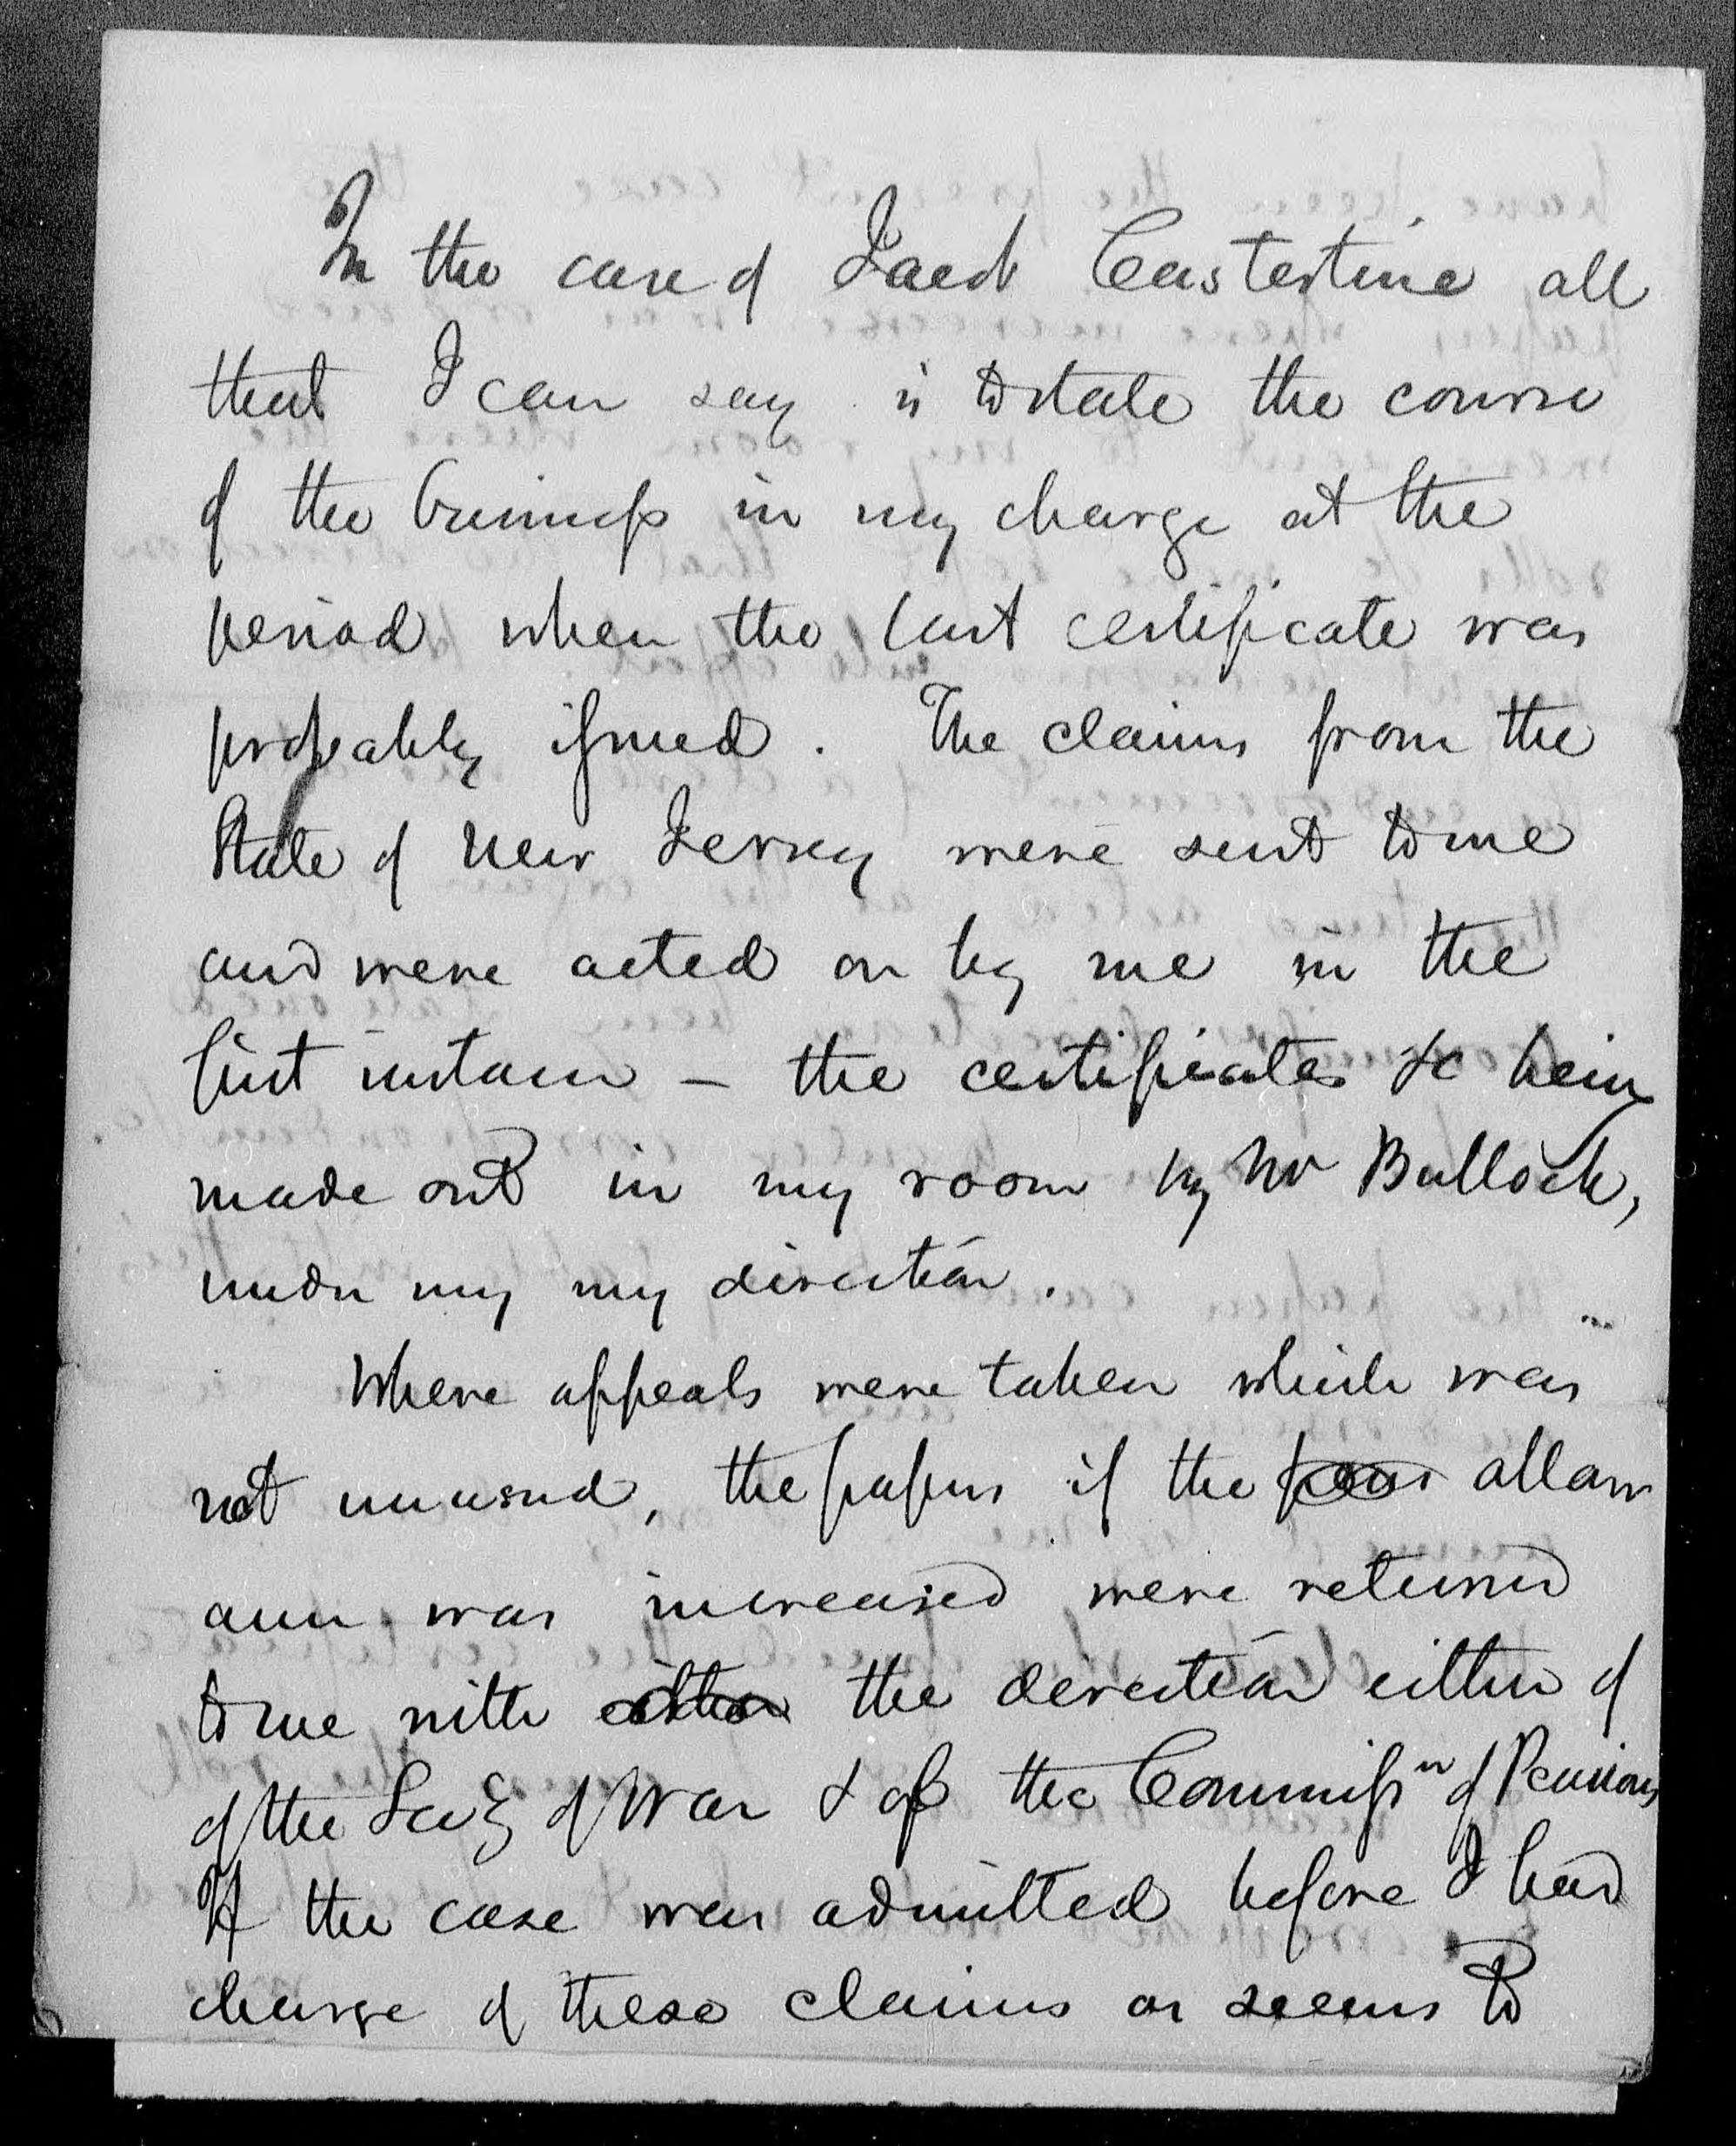In the case of Jacob Casterline all that I can say is to state the course of the [?] in my charge at the [?] when the last certificate was arguably filed.  The claim from the state of New Jersey were sent to me and were acted on by me in the first instance - the certificate of being made out in my room by M Bullock under my direction.
Where appeals were taken which were not unsound, the papers if the [crossed out] allowance was increased were returned to me with the direction written of the laws of man and of the Commissioner of Pensions of the case were admitted before I had charge of these claims or seem to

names: Jacob Casterline, Bullock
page: 33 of 38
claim: widow's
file: W. 6644, Jacob Casterline, New Jersey